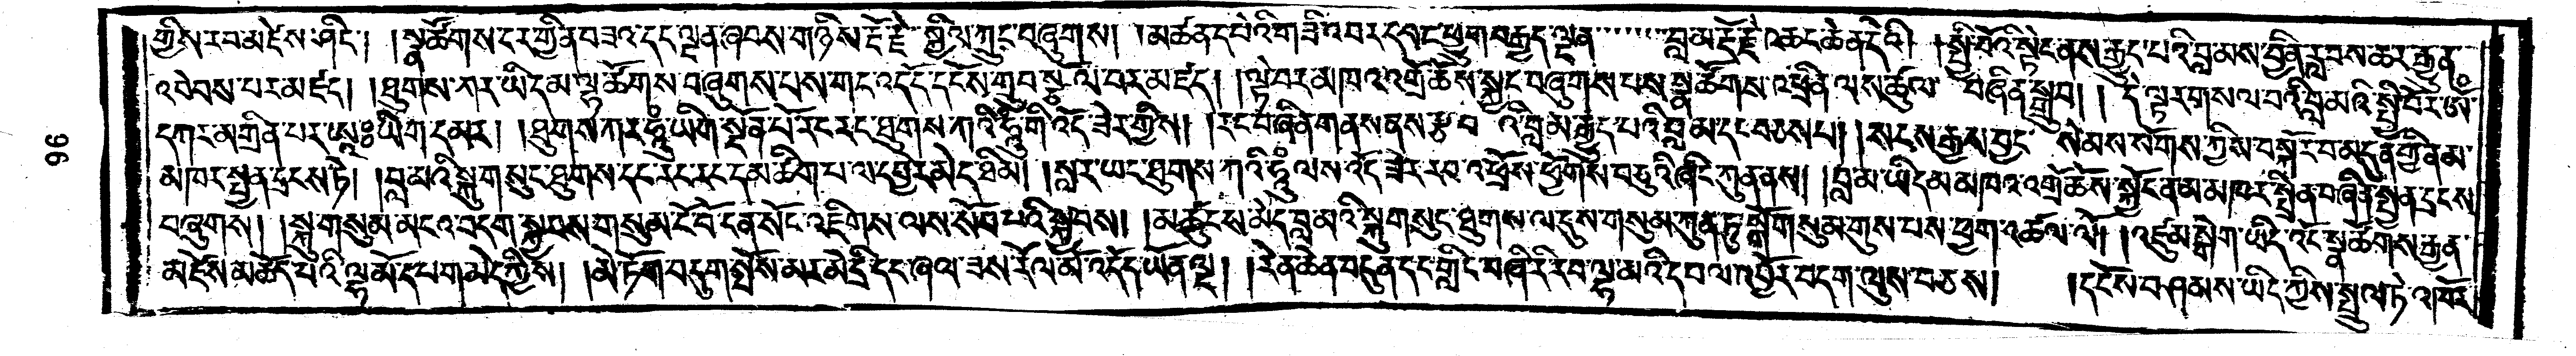གྱིས་རབ་མཛེས་ཤིང་། །སྣ་ཚོགས་དར་གྱི་ན་བཟའ་དང་ལྡན་ཞབས་གཉིས་རྡོ་རྗེ་སྐྱིལ་ཀྲུང་བཞུགས། །མཚན་དཔེའི་གཟི་འབར་དབང་ཕྱུག་བརྒྱད་ལྡན་བླ་མ་རྡོ་རྗེ་འཆང་ཆེན་དེའི། །སྤྱི་བོའི་སྟེང་ནས་རྒྱུད་པའི་བླ་མས་བྱིན་རླབས་ཆར་རྒྱུན་
འབེབས་པར་མཛད། །ཐུགས་ཀར་ཡི་དམ་ལྷ་ཚོགས་བཞུགས་པས་གང་འདོད་དངོས་གྲུབ་སྩོལ་བར་མཛད། །ལྟེ་བར་མཁའ་འགྲོ་ཆོས་སྐྱང་བཞུགས་པས་སྣ་ཚོགས་འཕྲིན་ལས་ཚུལ་བཞིན་སྒྲུབ། །དེ་ལྟར་གསལ་བའི་བླ་མའི་སྤྱི་བོར་ཨོཾ་
དཀར་མགྲིན་པར་ཨཱཿ ཡིག་དམར། །ཐུགས་ཀར་ཧཱུཾ་ཡིག་སྔོན་པོ་རང་རང་ཐུགས་ཀའི་ཧཱུཾ་གི་འོད་ཟེར་གྱིས། །རང་བཞིན་གནས་ནས་རྩ་བའི་བླ་མ་རྒྱུད་པའི་བླ་མ་དང་བཅས་པ། །སངས་རྒྱས་བྱང་སེམས་སོགས་ཀྱིས་བསྐོར་བ་མདུན་གྱི་ནམ་
མཁར་སྤྱན་དྲངས་ཏེ། །བླ་མའི་སྐུ་གསུང་ཐུགས་དང་རང་རང་དམ་ཚིག་པ་ལ་དབྱེར་མེད་ཐིམ། །སླར་ཡང་ཐུགས་ཀའི་ཧཱུཾ་ལས་འོད་ཟེར་རབ་འཕྲོས་ཕྱོགས་བཅུའི་ཞིང་ཀུན་ནས། །བླ་མ་ཡི་དམ་མཁའ་འགྲོ་ཆོས་སྐྱོང་ནམ་མཁར་སྤྲིན་བཞིན་སྤྱན་དྲངས་
བཞུགས། །སྐུ་གསུམ་མངའ་བདག་སྐྱབས་གསུམ་ངོ་བོ་ནན་སོང་འཇིགས་ལས་སྐྱོབ་པའི་སྐྱབས། །མཚུངས་མེད་བླ་མའི་སྐུ་གསུང་ཐུགས་ལ་དུས་གསུམ་ཀུན་ཏུ་སྒོ་གསུམ་གུས་པས་ཕྱག་འཚལ་ལོ། །འཛུམ་སྒེག་ཡིད་འོང་སྣ་ཚོགས་རྒྱན་
མཛེས་མཆོད་པའི་ལྷ་མོ་དཔག་མེད་ཀྱིས། །མེ་ཏོག་བདུག་སྤོས་མར་མེ་དྲི་དང་ཞལ་ཟས་རོལ་མོ་འདོད་ཡོན་ལྔ། །རིན་ཆེན་བདུན་དང་གླིང་བཞི་རི་རབ་ལྷ་མའི་དཔལ་འབྱོར་བདག་ལུས་བཅས། །དངོས་བཤམས་ཡིད་ཀྱིས་སྤྲུལ་ཏེ་འཁོར་